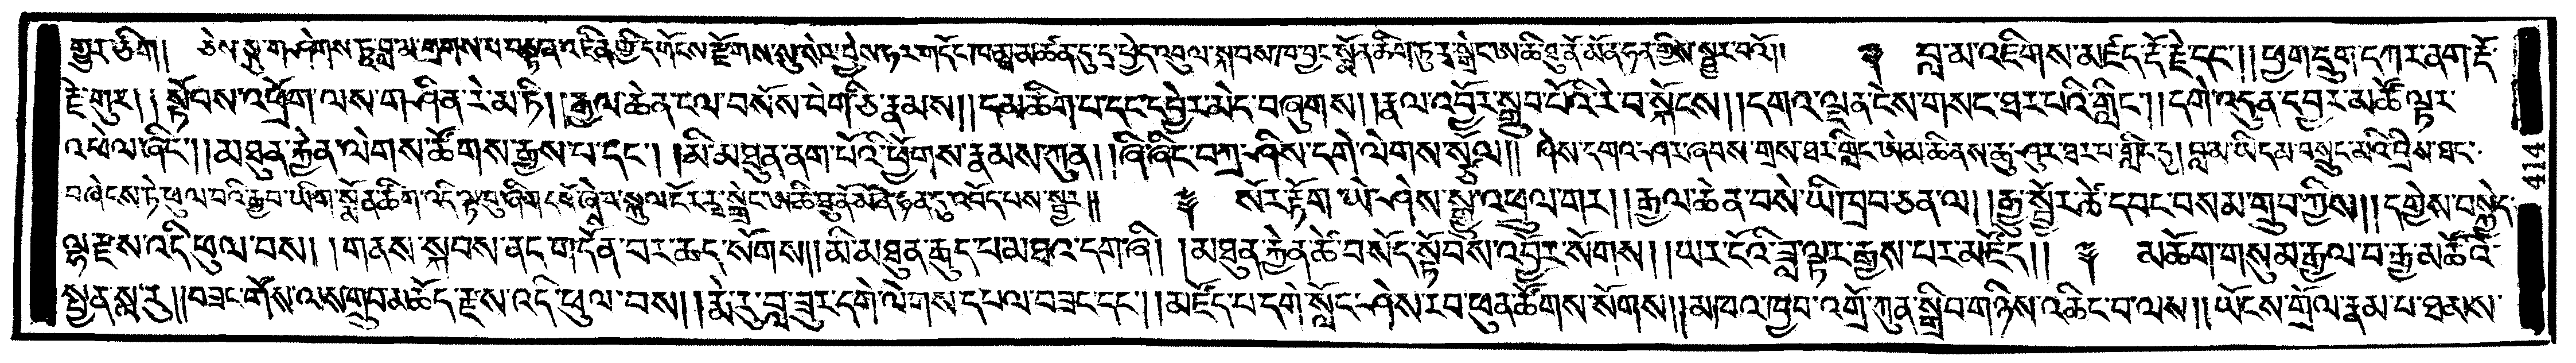གྱུར་ཅིག །ཅེས་སྐུ་གཤེགས་ཏཱ་བླ་མ་གྲགས་པ་བསྟན་འཛིན་གྱི་དགོངས་རྫོགས་སུ་སེར་བྱེས་ཧར་གདོང་ཁམས་མཚན་དུ་དྲ་ཕྱེད་འབུལ་སྐབས་ཁ་བྱང་སྨོན་ཚིག་ཏུ་རྭ་སྒྲེང་ཨ་ཆི་ཐུ་ནོ་མོན་ཧན་གྱིས་སྦྱར་བའོ།། ༈ བླ་མ་འཇིགས་མཛད་རྡོ་རྗེ་དང་། །ཕྱག་དྲུག་དཀར་ནག་རྡོ་
རྗེ་གུར། །སྟོབས་འཕྲོག་ལས་གཤིན་རེ་མ་ཏི། །རྒྱལ་ཆེན་ངལ་བསོས་བེག་ཅི་རྣམས། །དམ་ཚིག་པ་དང་དབྱེར་མེད་བཞུགས། །རྣལ་འབྱོར་སྒྲུབ་པོའི་རེ་བ་སྐོངས། །དགའ་ལྡན་ངེས་གསང་ཐར་པའི་གླིང་། །དགེ་འདུན་དབྱར་མཚོ་ལྟར་
འཕེལ་ཞིང་། །མཐུན་རྐྱེན་ལེགས་ཚོགས་རྒྱས་པ་དང་། །མི་མཐུན་ནག་པོའི་ཕྱོགས་རྣམས་ཀུན། །ཞི་ཞིང་བཀྲ་ཤིས་དགེ་ལེགས་སྩོལ། །ཞེས་དགའ་ཤར་ཞབས་གྲས་ཐར་གླིང་ཨེམ་ཆི་ནས་ཆུ་ཤུར་ཐར་པ་གླིང་དུ། བླ་མ་ཡི་དམ་བསྲུང་མའི་བྲིས་ཐང་
བཞེངས་ཏེ་ཕུལ་བའི་རྒྱབ་ཡིག་སྨོན་ཚིག་འདི་ལྟ་བུ་ཞིག་དང་ཞེས་བ་སྐུལ་ངོར་རྭ་སྒྲེང་ཨ་ཆི་ཐུ་ནོ་མོན་ཧན་དུ་འབོད་པས་སྦྱར།། ༈ སོར་རྟོག་ཡེ་ཤེས་སྒྱུ་འཕྲུལ་གར། །རྒྱལ་ཆེན་བསེ་ཡི་ཁྲབ་ཅན་ལ། །རྒྱུ་སྦྱོར་ཚེ་དབང་བསམ་གྲུབ་ཀྱིས། །དགྱེས་བསྐྱེད་
ལྷ་རྫས་འདི་ཕུལ་བས། །གནས་སྐབས་ནང་གདོན་བར་ཆད་སོགས། །མི་མཐུན་རྒུད་པ་མཐའ་དག་ཞི། །མཐུན་རྐྱེན་ཚེ་བསོད་སྟོབས་འབྱོར་སོགས། །ཡར་ངོའི་ཟླ་ལྟར་རྒྱས་པར་མཛོད།། ༈ མཆོག་གསུམ་རྒྱལ་བ་རྒྱ་མཚོའི་
སྤྱན་སླ་རུ། །བཟང་གོས་ལས་གྲུབ་མཆོད་རྫས་འདི་ཕུལ་བས། །རྨེ་རུ་བླ་ཟུར་དགེ་ལེགས་དཔལ་བཟང་དང་། །མཛོད་པ་དགེ་སློང་ཤེས་རབ་ཕུན་ཚོགས་སོགས། །མཁའ་ཁྱབ་འགྲོ་ཀུན་སྒྲིབ་གཉིས་འཆིང་བ་ལས། །ཡོངས་གྲོལ་རྣམ་པ་ཐམས་